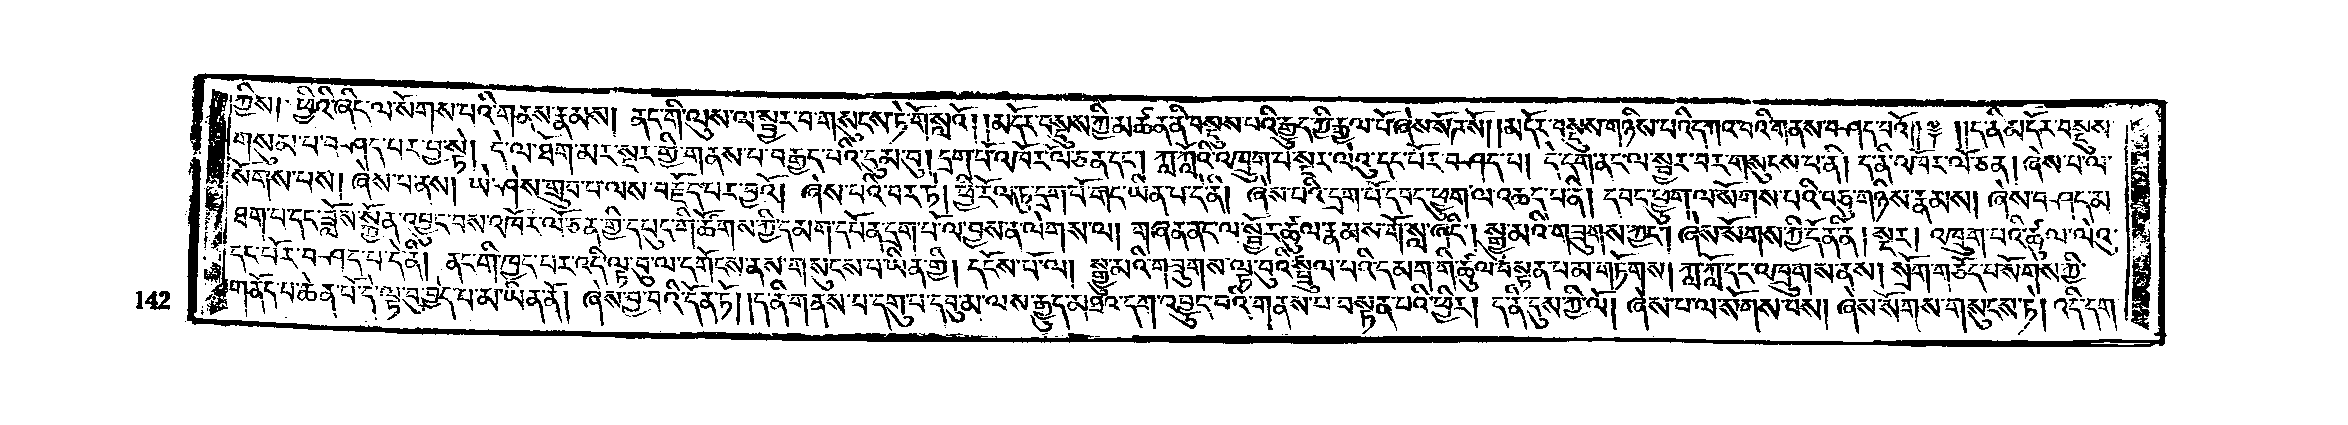ཀྱིས། ཕྱིའི་ཞིང་ལ་སོགས་པའི་གནས་རྣམས། ནང་གི་ལུས་ལ་སྦྱར་བ་གསུངས་ཏེ་གོ་སླའོ། །མདོར་བསྡུས་ཀྱི་མཚན་ནི་བསྡུས་པའི་རྒྱུད་ཀྱི་རྒྱལ་པོ་ཞེས་སོགས་སོ། །མདོར་བསྡུས་གཉིས་པའི་དཀའ་བའི་གནས་བཤད་པའོ།། ༈ །།ད་ནི་མདོར་བསྡུས་
གསུམ་པ་བཤད་པར་བྱ་སྟེ། དེ་ལ་ཐོག་མར་སྔར་གྱི་གནས་པ་བརྒྱད་པའི་དུམ་བུ། དྲག་པོ་འཁོར་ལོ་ཅན་དང་། ཀླ་ཀློའི་འཁྲུག་པ་སྔར་ལེའུ་དང་པོར་བཤད་པ། དེ་དག་ནང་ལ་སྦྱར་བར་གསུངས་པ་ནི། ད་ནི་འཁོར་ལོ་ཅན། ཞེས་པ་ལ་
སོགས་པས། ཞེས་པ་ནས། ཡེ་ཤེས་གྲུབ་པ་ལས་བརྗོད་པར་བྱའོ། ཞེས་པའི་བར་ཏེ། ཕྱི་རོལ་ཏུ་དྲག་པོ་གང་ཡིན་པ་དེ་ནི། ཞེས་པའི་དྲག་པོ་དབང་ཕྱུག་ལ་འཆད་པ་ནི། དབང་ཕྱུག་ལ་སོགས་པའི་བཅུ་གཉིས་རྣམས། ཞེས་བཤད་མ་
ཐག་པ་དང་ཟློས་སྐྱོན་འབྱུང་བས་འཁོར་ལོ་ཅན་གྱི་དཔུང་གི་ཚོགས་ཀྱི་དམག་དཔོན་དྲག་པོ་ལ་བྱས་ན་ལེགས་ལ། གཞན་ནང་ལ་སྦྱོར་ཚུལ་རྣམས་གོ་སླ་ཞིང་། སྒྱུ་མའི་གཟུགས་ཀྱང་། ཞེས་སོགས་ཀྱི་དོན་ནི། སྔར། འཁྲུག་པའི་ཚུལ་ལེའུ་
དང་པོར་བཤད་པ་དེ་ནི། ནང་གི་ཁྱད་པར་འདི་ལྟ་བུ་ལ་དགོངས་ནས་གསུངས་པ་ཡིན་གྱི། དངོས་པོ་ལ། སྒྱུ་མའི་གཟུགས་ལྟ་བུའི་སྤྲུལ་པའི་དམག་གི་ཚུལ་བསྟན་པ་མ་གཏོགས། ཀླ་ཀློ་དང་འཁྲུགས་ནས། སྲོག་གཅོད་པ་སོགས་ཀྱི་
གནོད་པ་ཆེན་པོ་དེ་ལྟ་བུ་བྱེད་པ་མ་ཡིན་ནོ། ཞེས་བྱ་བའི་དོན་ཏོ། །ད་ནི་གནས་པ་དགུ་པ་དབུ་མ་ལས་རྒྱུད་མཐའ་དག་འབྱུང་བའི་གནས་པ་བསྟན་པའི་ཕྱིར། ད་ནི་དུས་ཀྱི་ལོ། ཞེས་པ་ལ་སོགས་པས། ཞེས་སོགས་གསུངས་ཏེ། འདི་དག་